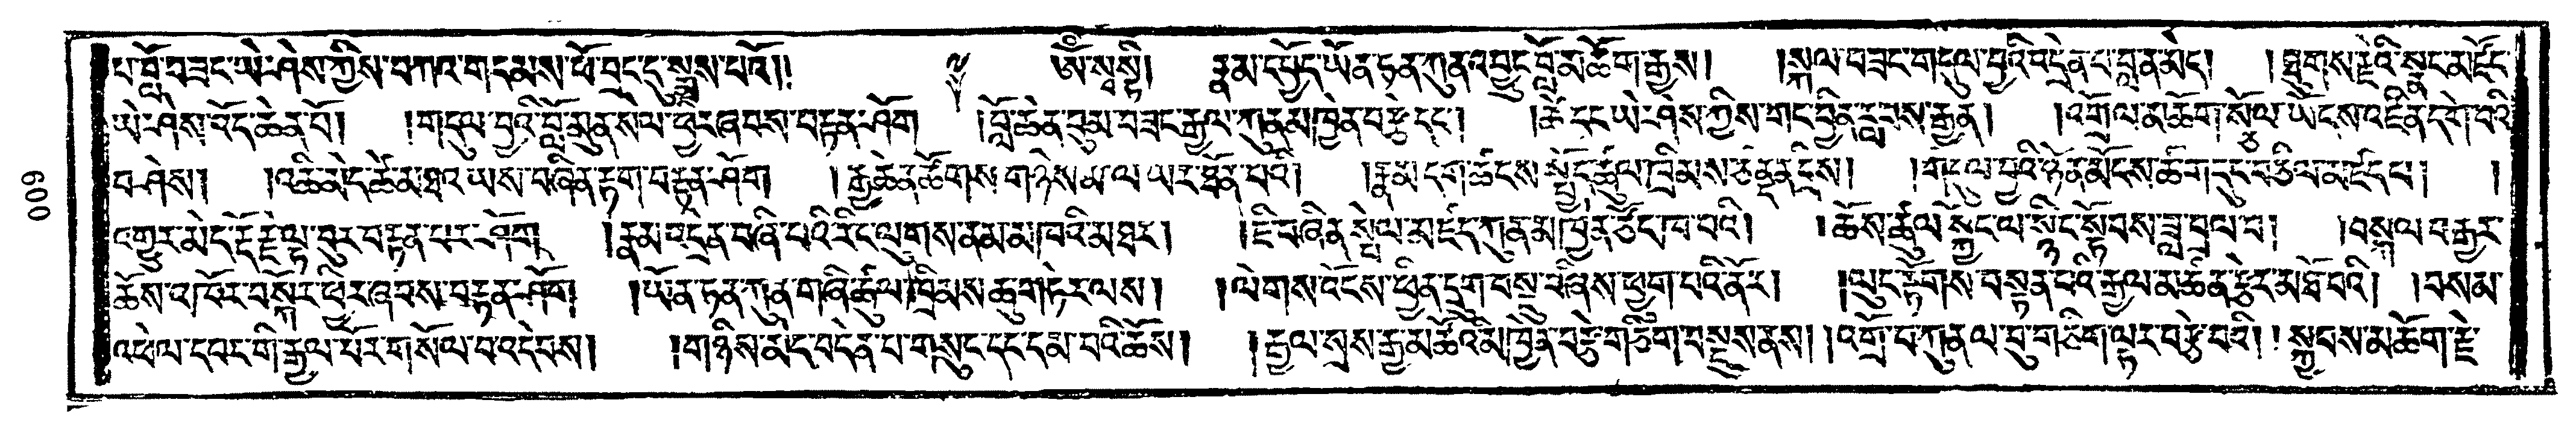པ་བློ་བཟང་ཡེ་ཤེས་ཀྱིས་བཀའ་གདམས་ཕོ་བྲང་དུ་སྨྲས་པའོ།། ༈ ཨོཾ་སྭསྟི། རྣམ་དཔྱོད་ཡོན་ཏན་ཀུན་འབྱུང་བློ་མཆོག་རྒྱས། །སྐལ་བཟང་གདུལ་བྱའི་འདྲེན་པ་བླ་ན་མེད། །ཐུགས་རྗེའི་སྣང་མཛོད་
ཡེ་ཤེས་འོད་ཆེན་པོ། །གདུལ་བྱའི་བློ་མུན་སེལ་ཕྱིར་ཞབས་བརྟན་ཤོག །བློ་ཆེན་བུམ་བཟང་རྒྱལ་ཀུན་མཁྱེན་བརྩེ་དང་། །ཚེ་དང་ཡེ་ཤེས་ཀྱིས་གང་བྱིན་རླབས་རྒྱན། །འགྲོལ་མཆོག་སྩོལ་ཡོངས་འཛིན་དགེ་བའི་
བཤེས། །འཆི་མེད་ཚེ་མཐའ་ཡས་བཞིན་རྟག་བརྟན་ཤོག །རྒྱ་ཆེན་ཚོགས་གཉིས་མ་ལ་ཡར་ཐོན་པའི། །རྣམ་དག་ཚངས་སྤྱོད་ཚུལ་ཁྲིམས་ཙནྡན་དྲིས། །གདུལ་བྱའི་ཉོན་མོངས་ཚ་གདུང་བཅིལ་མཛད་པ། །
འགྱུར་མེད་རྡོ་རྗེ་ལྟ་བུར་བརྟན་པར་ཤོག །རྣམ་འདྲེན་བཞི་པའི་རིང་ལུགས་ནམ་མཁའི་མཐར། །ཇི་བཞིན་སྤེལ་མཛད་ཀུན་མཁྱེན་ཙོང་ཁ་བའི། །ཆོས་ཚུལ་སྐྱོང་ལ་སྙིང་སྟོབས་ཟླ་བྲལ་བ། །བསྐལ་བརྒྱར་
ཆོས་འཁོར་བསྐོར་ཕྱིར་ཞབས་བརྟན་ཤོག །ཡོན་ཏན་ཀུན་གཞི་ཚུལ་ཁྲིམས་ཆུ་གཏེར་ལས། །ལེགས་འོངས་ཕྱིན་དྲུག་བསྡུ་བཞིས་ཕྱུག་པའི་ནོར། །ལུང་རྟོགས་བསྟན་པའི་རྒྱལ་མཚན་རྩེར་མཐོ་བའི། །བསམ་
འཕེལ་དབང་གི་རྒྱལ་པོར་གསོལ་བ་འདེབས། །གཉིས་མེད་བདེན་པ་གསུང་དང་དམ་པའི་ཆོས། །རྒྱལ་སྲས་རྒྱ་མཚོའི་མཁྱེན་བརྩེ་གཅིག་བསྡུས་ནས། །འགྲོ་བ་ཀུན་ལ་བུ་གཅིག་ལྟར་བརྩེ་བའི། །སྐྱབས་མཆོག་རྗེ་